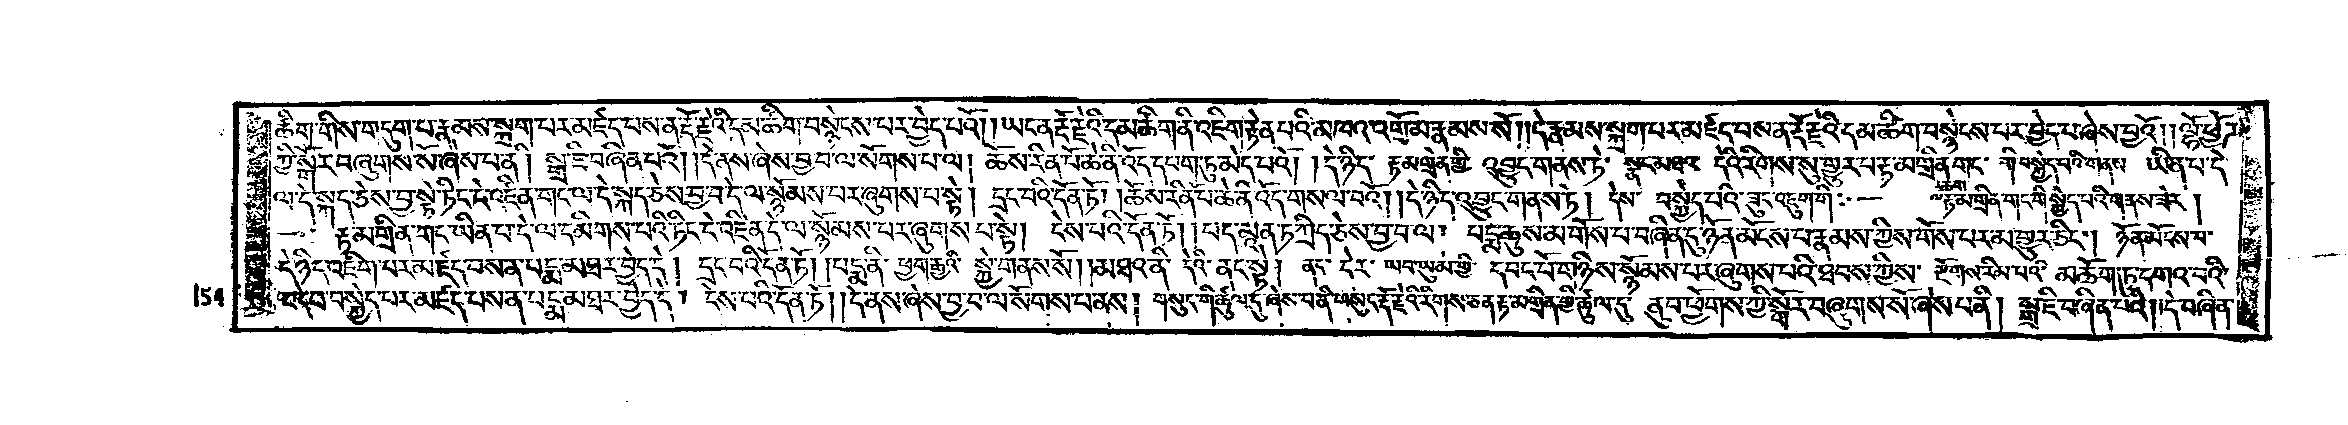ཚིག་གིས་གདུག་པ་རྣམས་སྐྲག་པར་མཛད་པས་ན་རྡོ་རྗེའི་དམ་ཚིག་བསྙེངས་པར་བྱེད་པའོ། །ཡང་ན་རྡོ་རྗེའི་དམ་ཚིག་ནི་འཇིག་རྟེན་པའི་མཁའ་འགྲོ་མ་རྣམས་སོ། །དེ་རྣམས་སྐྲག་པར་མཛད་པས་ན་རྡོ་རྗེའི་དམ་ཚིག་བསྙེངས་པར་བྱེད་པ་ཞེས་བྱའོ། །ལྷོ་ཕྱོགས་
ཀྱི་སྒོར་བཞུགས་སོ་ཞེས་པ་ནི། སྒྲ་ཇི་བཞིན་པའོ། །དེ་ནས་ཞེས་བྱ་བ་ལ་སོགས་པ་ལ། ཆོས་རིན་པོ་ཆེ་ནི་འོད་དཔག་ཏུ་མེད་པའོ། །དེ་ཉིད་རྟ་མགྲིན་གྱི་འབྱུང་གནས་ཏེ་སྣང་མཐའ་དེའི་རིགས་སུ་གྱུར་པ་རྟ་མགྲིན་གང་གི་བསྐྱེད་པའི་གནས་ཡིན་པ་དེ་
ལ་དེ་སྐད་ཅེས་བྱ་སྟེ་ཏིང་ངེ་འཛིན་གང་ལ་དེ་སྐད་ཅེས་བྱ་བ་དེ་ལ་སྙོམས་པར་ཞུགས་པ་སྟེ། དྲང་བའི་དོན་ཏོ། །ཆོས་རིན་པོ་ཆེ་ནི་འོད་གསལ་བའོ། །དེ་ཉིད་འབྱུང་གནས་ཏེ། དེས་བསྐྱེད་པའི་ཟུང་འཇུག་གིཿ་ཆག་༧རྟ་མགྲིན་གང་གི་སྐྱེད་པའི་གནས་ཟེར།
.Hརྟ་མགྲིན་གང་ཡིན་པ་དེ་ལ་དམིགས་པའི་ཏིང་ངེ་འཛིན་དེ་ལ་སྙོམས་པར་ཞུགས་པ་སྟེ། ངེས་པའི་དོན་ཏོ། །པད་མཱན་ཏ་ཀྲིད་ཅེས་བྱ་བ་ལ། པདམ་ཆུས་མ་གོས་པ་བཞིན་དུ་ཉོན་མོངས་པ་རྣམས་ཀྱིས་གོས་པར་མ་གྱུར་ཅིང་། ཉོན་མོངས་པ
དེ་ཉིད་འཇིག་པར་མཛད་པས་ན་པདམ་མཐར་བྱེད་དེ། དྲང་བའི་དོན་ཏོ། །པདམ་ནི་ཕྱག་རྒྱའི་སྐྱེ་གནས་སོ། །མཐའ་ནི་དེའི་ནང་སྟེ། ནང་དེར་ཡབ་ཡུམ་གྱི་དབང་པོ་གཉིས་སྙོམས་པར་ཞུགས་པའི་ཐབས་ཀྱིས་རྫོགས་རིམ་པའི་མཆོག་ཏུ་དགའ་བའི་
བདེ་བ་བསྐྱེད་པར་མཛད་པས་ན་པདམ་མཐར་བྱེད་དེ། ངེས་པའི་དོན་ཏོ། །དེ་ནས་ཞེས་བྱ་བ་ལ་སོགས་པ་ནས། གསུང་གི་ཚུལ་དུ་ཞེས་པ་ནི་གསུང་རྡོ་རྗེའི་རིགས་ཅན་རྟ་མགྲིན་གྱི་ཚུལ་དུ་ནུབ་ཕྱོགས་ཀྱི་སྒོར་བཞུགས་སོ་ཞེས་པ་ནི། སྒྲ་ཇི་བཞིན་པའོ། །དེ་བཞིན་